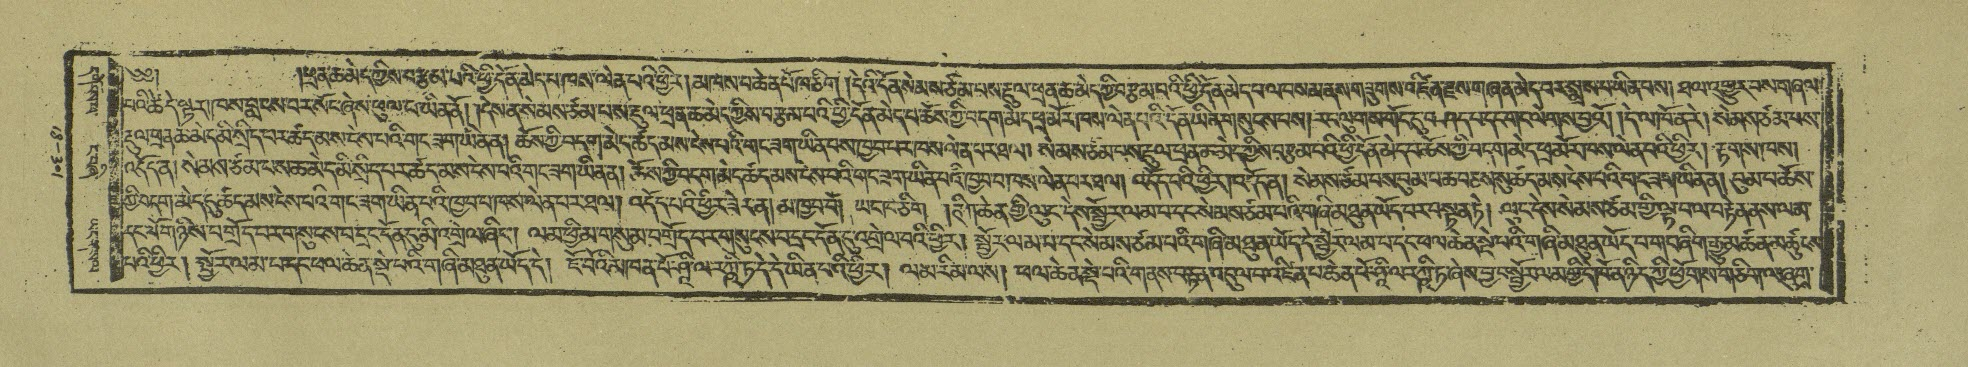༄༅། །ཕྲན་ཆ་མེད་ཀྱིས་བརྩམ་པའི་ཕྱི་དོན་མེད་པ་ཁས་ལེན་པའི་ཕྱིར། མཁས་པ་ཆེན་པོ་ཁ་ཅིག །དེའི་དོན་སེམས་ཙམ་པས་རྡུལ་ཕྲན་ཆ་མེད་ཀྱི་བརྩམ་པའི་ཕྱི་དོན་མེད་པ་ལ་བསམ་ནས་གཟུགས་འཛིན་རྫས་གཞན་མེད་པར་སྨྲས་པ་ཡིན་པས། ཐལ་འགྱུར་བས་གཞལ་
བའི་ཚེ་དེ་ལྟར་ཁས་བླངས་བར་སོང་ཞེས་ཕུལ་བ་ཡིན་ནོ། །དེས་ན་སེམས་ཙམ་པས་རྡུལ་ཕྲན་ཆ་མེད་ཀྱིས་བརྩམ་པའི་ཕྱི་དོན་མེད་པ་ཆོས་ཀྱི་བདག་མེད་ཕྲ་མོར་ཁས་ལེན་པའི་དོན་ཡིན་གསུངས་པས། རང་ལུགས་གོང་དུ་བཤད་པ་དང་གང་ལེགས་བྱའོ། །དེ་ལ་ཁོ་ན་རེ། སེམས་ཙམ་པས་
རྡུལ་ཕྲན་ཆ་མེད་མི་སྲིད་པར་ཚད་མས་ངེས་པའི་གང་ཟག་ཡིན་ན། ཆོས་ཀྱི་བདག་མེད་ཚད་མས་ངེས་པའི་གང་ཟག་ཡིན་པས་ཁྱབ་པར་ཁས་ལེན་པར་ཐལ། སེམས་ཙམ་པས་རྡུལ་ཕྲན་ཆ་མེད་ཀྱིས་བརྩམ་པའི་ཕྱི་དོན་མེད་པ་ཆོས་ཀྱི་བདག་མེད་ཕྲ་མོར་ཁས་ལེན་པའི་ཕྱིར། རྟགས་ཁས།
འདོད་ན། སེམས་ཙམ་པས་ཆ་མེད་མི་སྲིད་པར་ཆད་མས་ངེས་པའི་གང་ཟག་ཡིན་ན། ཆོས་ཀྱི་བདག་མེད་ཚད་མས་ངེས་པའི་གང་ཟག་ཡིན་པའི་ཁྱབ་པ་ཁས་ལེན་པར་ཐལ། འདོད་པའི་ཕྱིར། འདོད་ན། སེམས་ཙམ་པས་བུམ་པ་ཆ་བཅས་སུ་ཚད་མས་ངེས་པའི་གང་ཟག་ཡིན་ན། བུམ་པ་ཆོས་
ཀྱི་བདག་མེད་དུ་ཚད་མས་ངེས་པའི་གང་ཟག་ཡིན་པའི་ཁྱབ་པ་ཁས་ལེན་པར་ཐལ། འདོད་པའི་ཕྱིར་ཟེར་ན། མ་ཁྱབ་བོ། །ཡང་ཁ་ཅིག །ཊིཀ་ཆེན་གྱི་ལུང་དེས་སྦྱོར་ལམ་པ་དང་སེམས་ཙམ་པའི་གཞི་མཐུན་ཡོད་པར་བསྟན་ཏེ། ལུང་དེས་སེམས་ཙམ་གྱི་ལྟ་བ་ལ་བརྟེན་ནས་ལམ་
དང་པོ་གཉིས་བགྲོད་པར་གསུངས་པ་དྲང་དོན་དུ་མི་འགྲེལ་ཞིང་། ལམ་ཕྱི་མ་གསུམ་བགྲོད་པར་གསུངས་པ་དྲང་དོན་དུ་འགྲེལ་བའི་ཕྱིར། སྦྱོར་ལམ་པ་དང་སེམས་ཙམ་པའི་གཞི་མཐུན་ཡོད་དེ་སྦྱོར་ལམ་པ་དང་ཕལ་ཆེན་སྡེ་པའི་གཞི་མཐུན་ཡོད་པ་གང་ཞིག་རྒྱུ་མཚན་མཚུངས་
པའི་ཕྱིར། སྦྱོར་ལམ་པ་དང་ཕལ་ཆེན་སྡེ་པའི་གཞི་མཐུན་ཡོད་དེ། ཇོ་བོའི་མཁན་པོ་ཤཱི་ལ་ར་ཀྵི་ཏ་དེ་དེ་ཡིན་པའི་ཕྱིར། ལམ་རིམ་ལས། ཕལ་ཆེན་སྡེ་པའི་གནས་བརྟན་འདུལ་བ་འཛིན་པ་ཆེན་པོ་ཤཱི་ལ་རཀྵི་ཏ་ཞེས་བྱ་བ་སྦྱོར་ལམ་གྱི་དེ་ཁོ་ན་ཉིད་ཀྱི་ཕྱོགས་གཅིག་ལ་ཞུག་